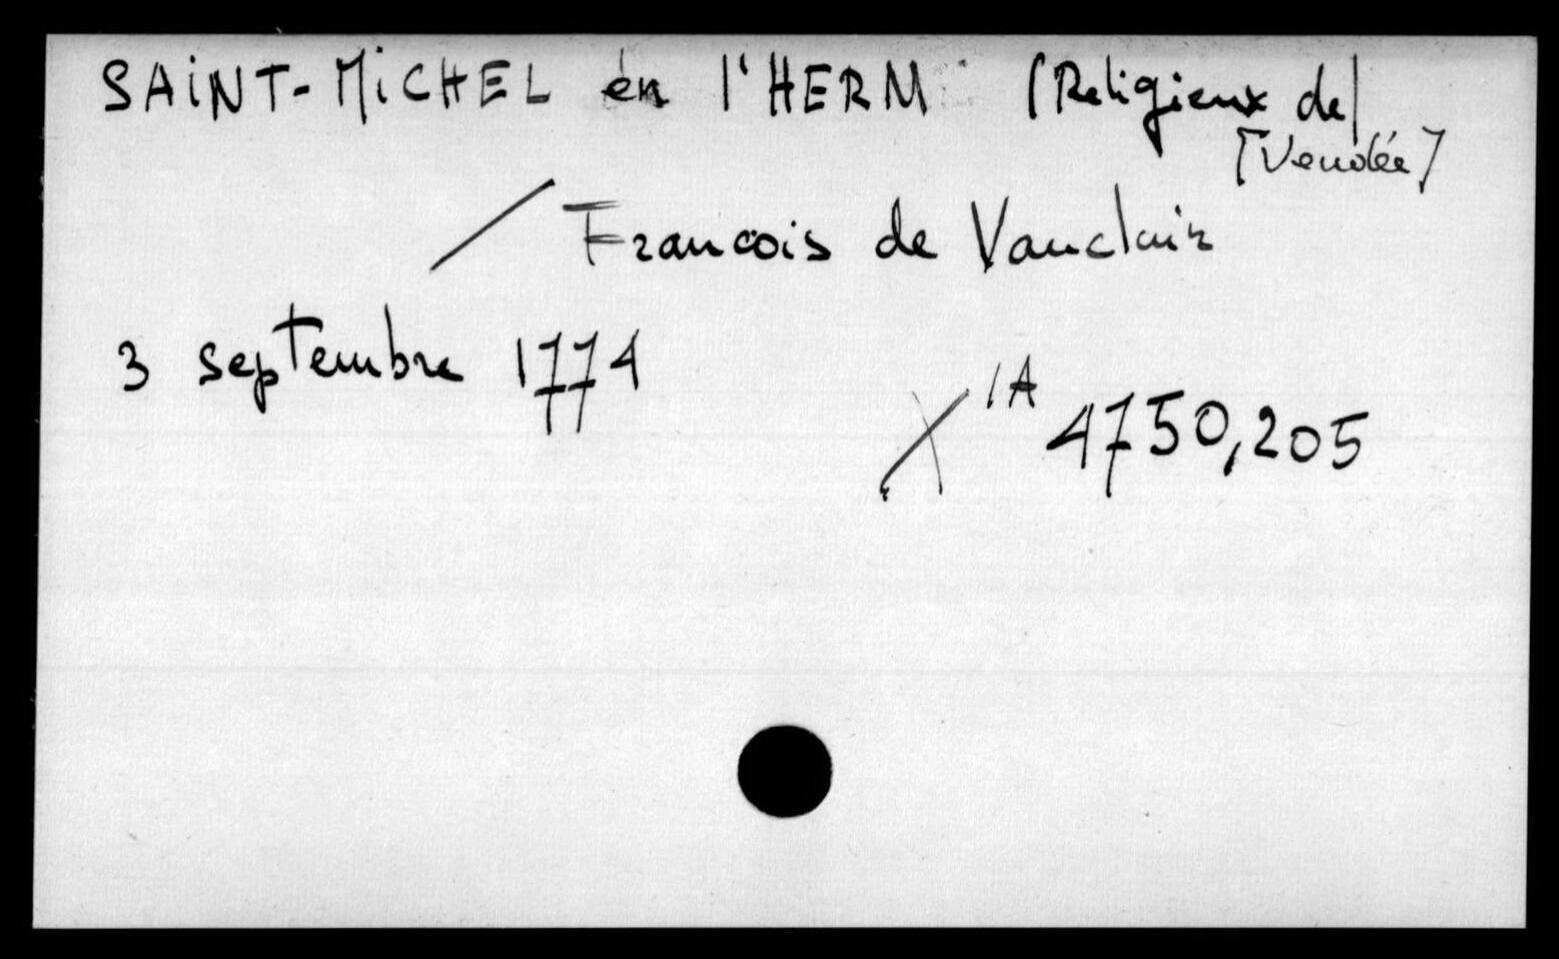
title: SAINT-MICHEL en l'HERM (Religieux de) [Vendée]
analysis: Contre François de Vauclair
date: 3 septembre 1774
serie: X1A
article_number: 4750
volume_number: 205
